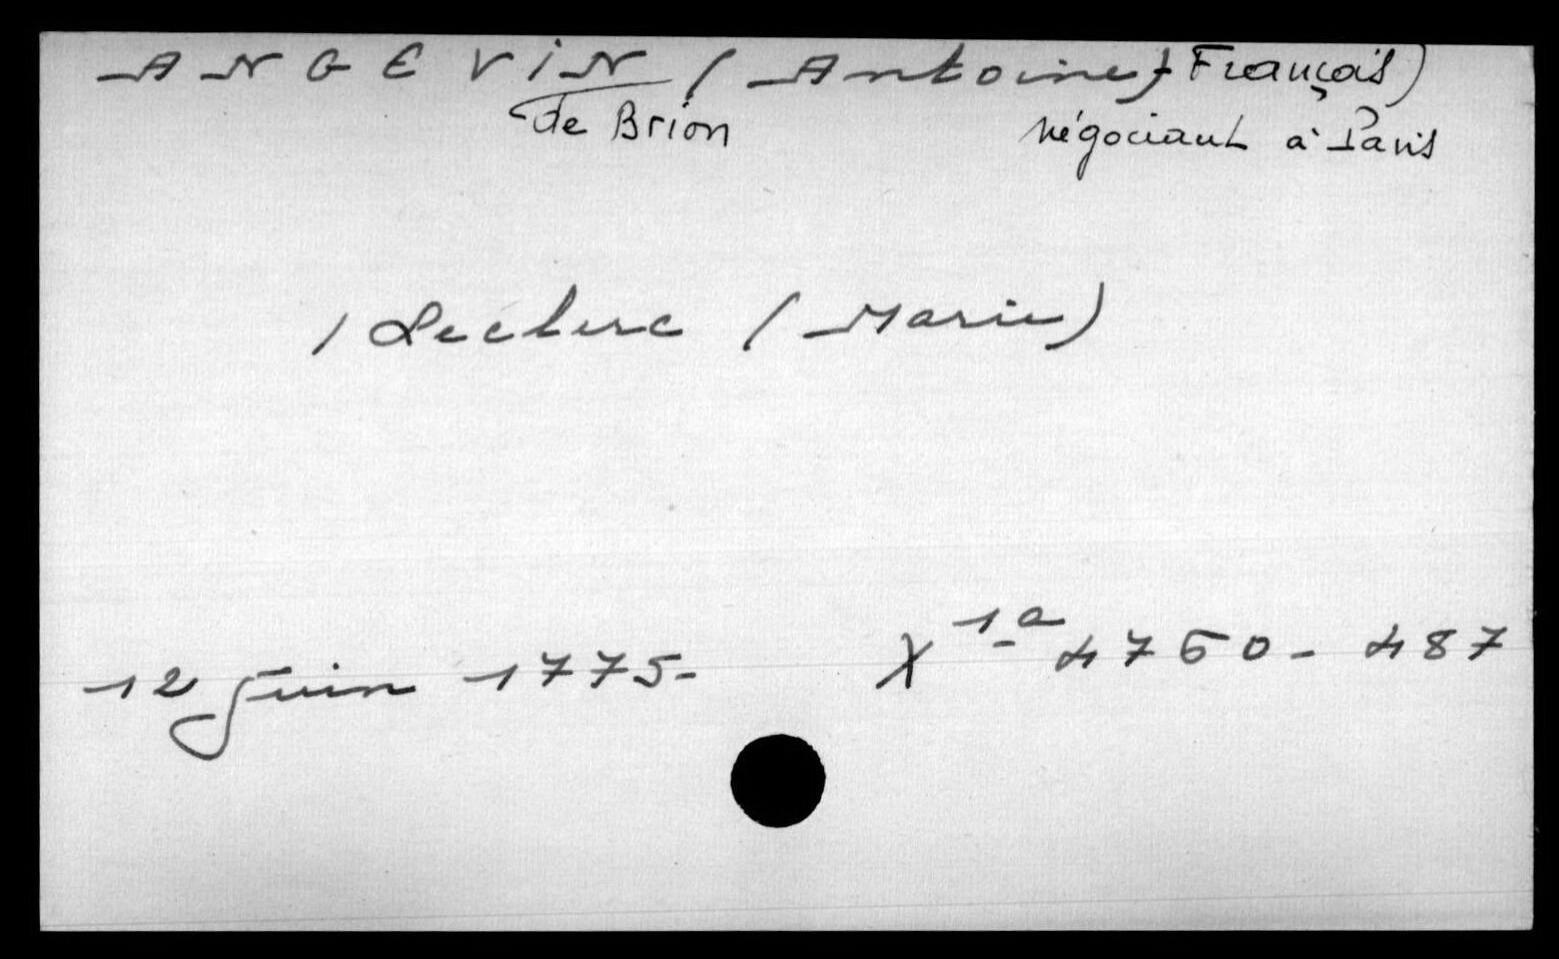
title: ANGEVIN (Antoine François) de Brion négociant à Paris
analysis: Contre Leclerc (Marie)
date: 12 juin 1775
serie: X1a
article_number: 4760
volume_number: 487
